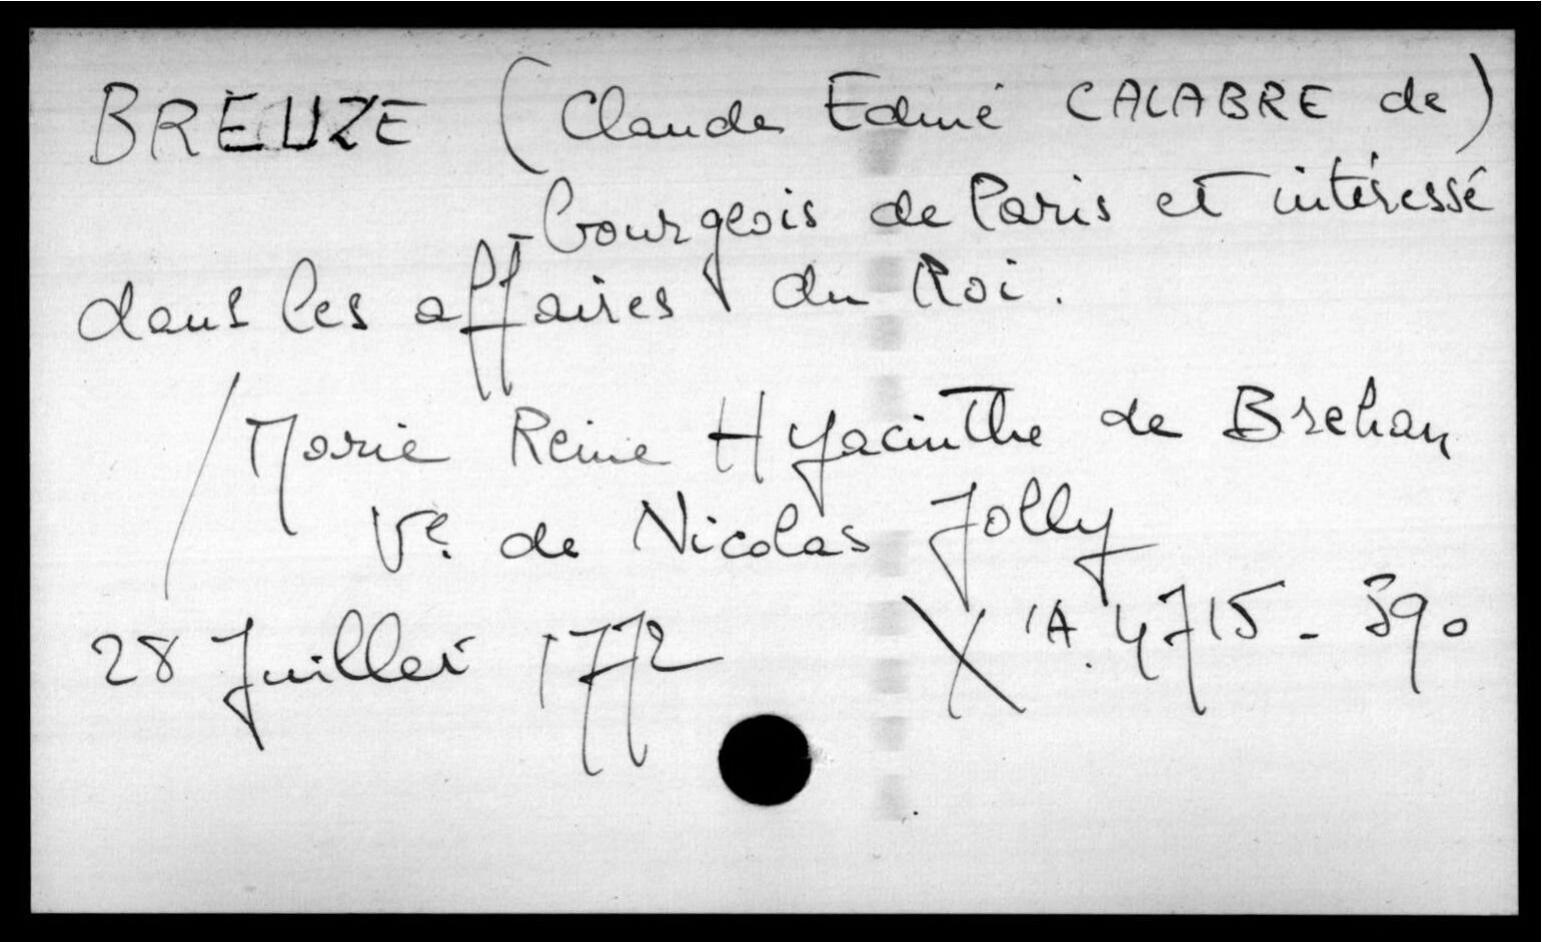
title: BREUZE (Claude Edmé CALABRE de) bourgeois de Paris et intéressé dans les affaires du Roi.
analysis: Contre Marie Reine Hyacinthe de Brehan veuve de Nicolas Jolly
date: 28 juillet 1772
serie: X1A
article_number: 4715
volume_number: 390
